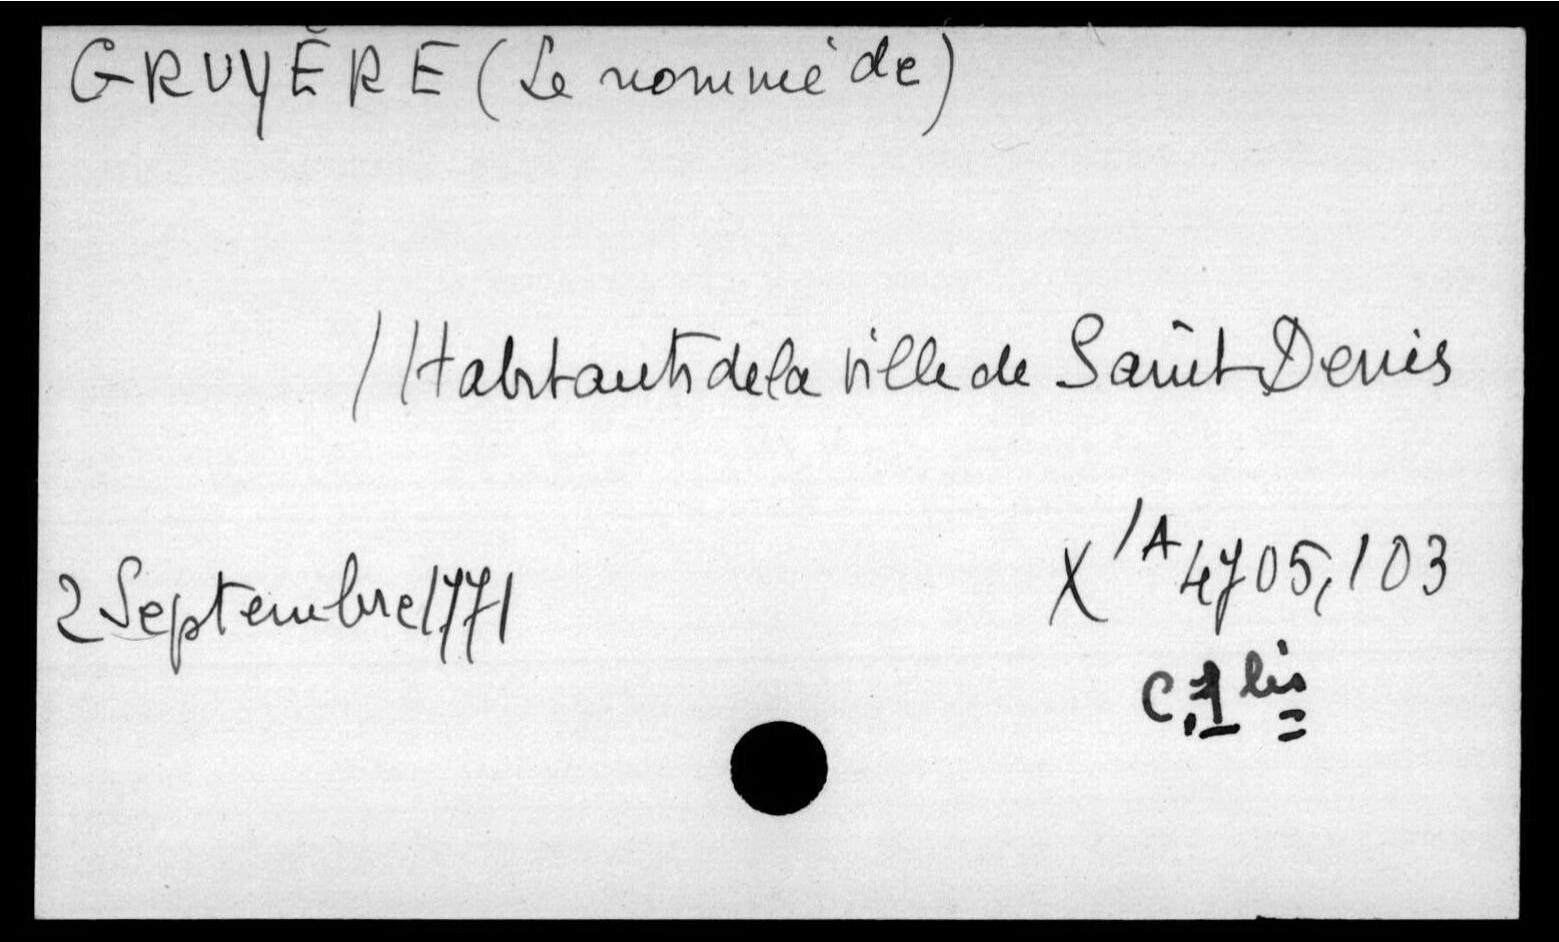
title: GRUYÈRE (le nommé de)
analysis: Contre habitants de la ville de Saint-Denis
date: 2 septembre 1771
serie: X1A
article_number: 4705
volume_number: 103
